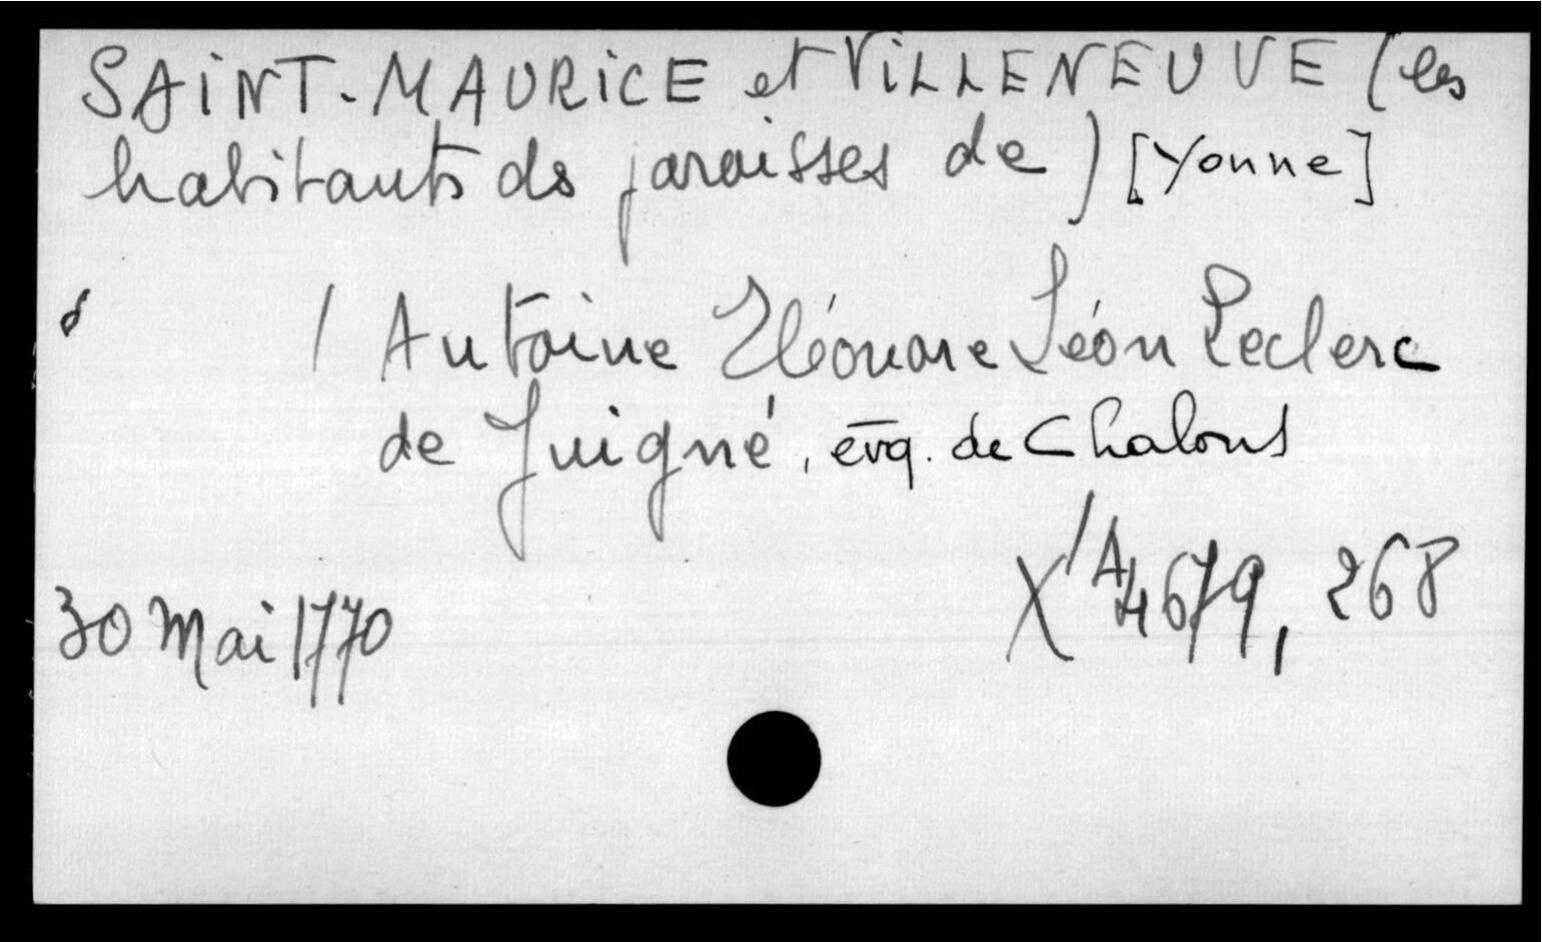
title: SAINT-MAURICE et VILLENEUVE (les habitants des paroisses de) [Yonne]
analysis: Contre Antoine Eléonore Léon Leclerc de juigné, évêque de Chalons
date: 30 mai 1770
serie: X1A
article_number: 4679
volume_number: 268
